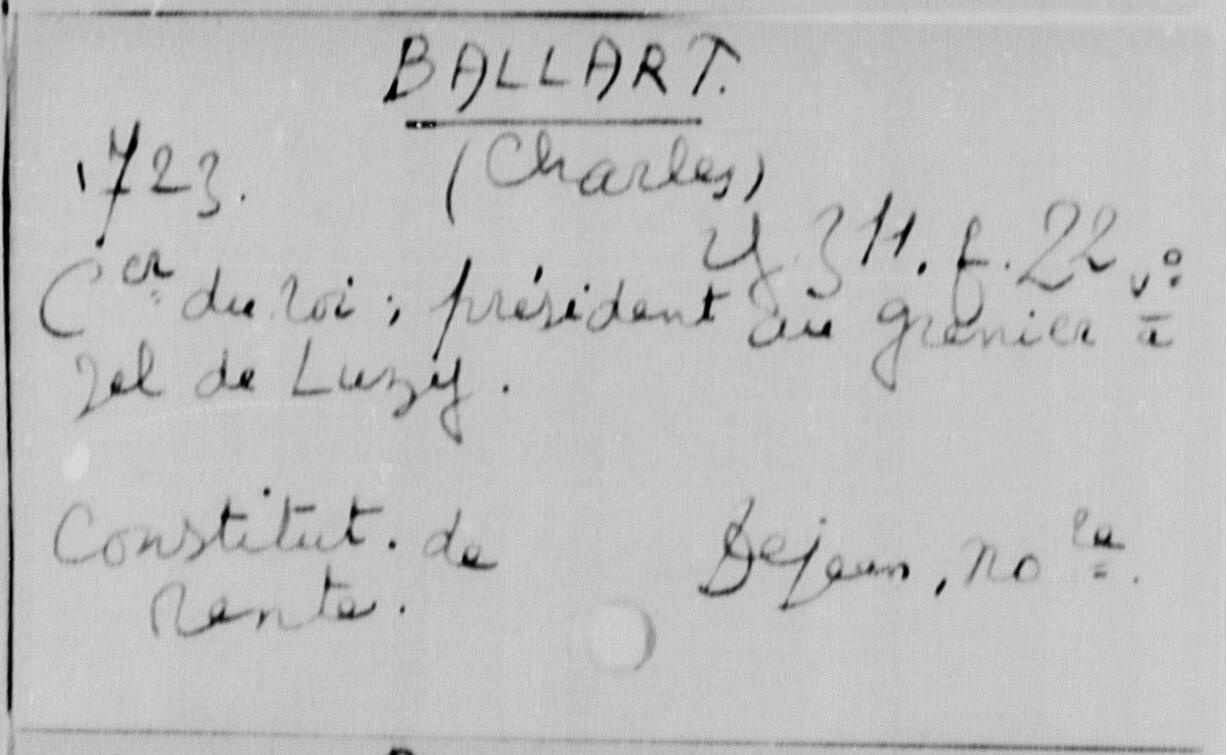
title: BALLART (Charles)
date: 1723
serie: Y
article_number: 311
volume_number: folio 22 verso
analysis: Conseiller du roi président au grenier à sel de Luzy. Constitution de Rente. Dejean, notaire
